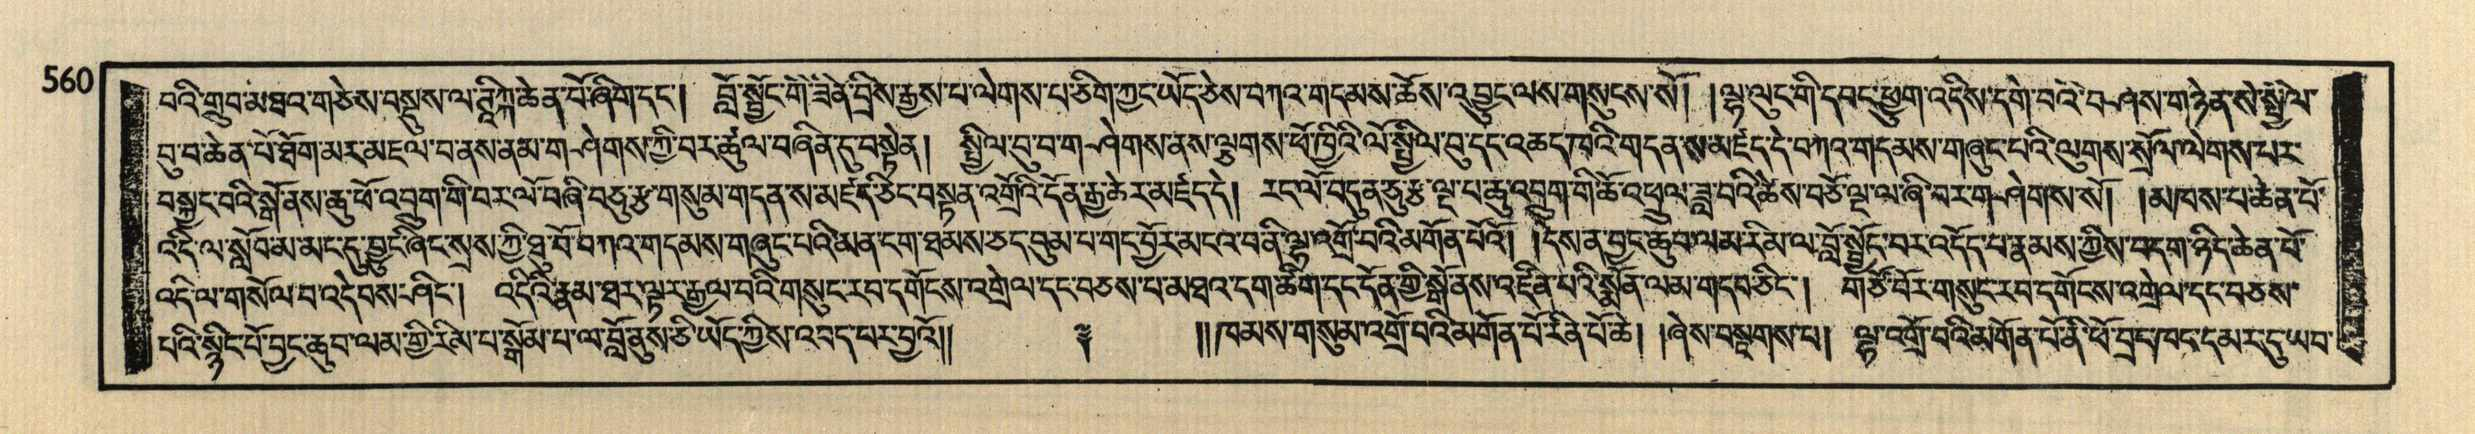བའི་གྲུབ་མཐའ་གཅེས་བསྡུས་ལ་ཊཱིཀྐ་ཆེན་པོ་ཞིག་དང་། བློ་སྦྱོང་གི་ཟིན་བྲིས་རྒྱས་པ་ལེགས་པ་ཅིག་ཀྱང་ཡོད་ཅེས་བཀའ་གདམས་ཆོས་འབྱུང་ལས་གསུངས་སོ། །ལྷ་ལུང་གི་དབང་ཕྱུག་འདིས་དགེ་བའི་བཤས་གཉེན་སེ་སྦྱིལ་
བུ་བ་ཆེན་པོ་ཐོག་མར་མཇལ་བ་ནས་ནམ་གཤེགས་ཀྱི་བར་ཚུལ་བཞིན་དུ་བསྟེན། སྤྱིལ་བུ་བ་གཤེགས་ནས་ལྕགས་ཕོ་ཁྱིའི་ལོ་སྤྱིལ་བུ་དང་འཆད་ཁའི་གདན་ས་མཛད་དེ་བཀའ་གདམས་གཞུང་པའི་ལུགས་སྲོལ་ལེགས་པར་
བསྐྱང་བའི་སྒོ་ནས་ཆུ་ཕོ་འབྲུག་གི་བར་ལོ་བཞི་བཅུ་རྩ་གསུམ་གདན་ས་མཛད་ཅིང་བསྟན་འགྲོའི་དོན་རྒྱ་ཆེར་མཛད་དེ། རང་ལོ་བདུན་ཅུ་རྩ་ལྔ་པ་ཆུ་འབྲུག་གི་ཆོ་འཕྲུལ་ཟླ་བའི་ཚེས་བཅོ་ལྔ་ལ་ཞི་བར་གཤེགས་སོ། །མཁས་པ་ཆེན་པོ་
འདི་ལ་སློབ་མ་མང་དུ་བྱུང་ཞིང་སྲས་ཀྱི་ཐུ་བོ་བཀའ་གདམས་གཞུང་པའི་མན་ངག་ཐམས་ཅད་བུམ་པ་གང་བྱོར་མངའ་བ་ནི་ལྷ་འགྲོ་བའི་མགོན་པོའོ། །དེས་ན་བྱང་ཆུབ་ལམ་རིམ་ལ་བློ་སྦྱོང་བར་འདོད་པ་རྣམས་ཀྱིས་བདག་ཉིད་ཆེན་པོ་
འདི་ལ་གསོལ་བ་འདེབས་ཤིང་། འདིའི་རྣམ་ཐར་ལྟར་རྒྱལ་བའི་གསུང་རབ་དགོངས་འགྲེལ་དང་བཅས་པ་མཐའ་དག་ཚིག་དང་དོན་གྱི་སྒོ་ནས་འཛིན་པའི་སྨོན་ལམ་གདབ་ཅིང་། གཙོ་བོར་གསུང་རབ་དགོངས་འགྲེལ་དང་བཅས་
པའི་སྙིང་པོ་བྱང་ཆུབ་ལམ་གྱི་རིམ་པ་སྒོམ་པ་ལ་བློ་ནུས་ཅི་ཡོད་ཀྱིས་འབད་པར་བྱའོ།། ༈ །།ཁམས་གསུམ་འགྲོ་བའི་མགོན་པོ་རིན་པོ་ཆེ། །ཞེས་བསྔགས་པ། ལྷ་འགྲོ་བའི་མགོན་པོ་ནི་ཕོ་བྲང་ཁང་དམར་དུ་ཡབ་